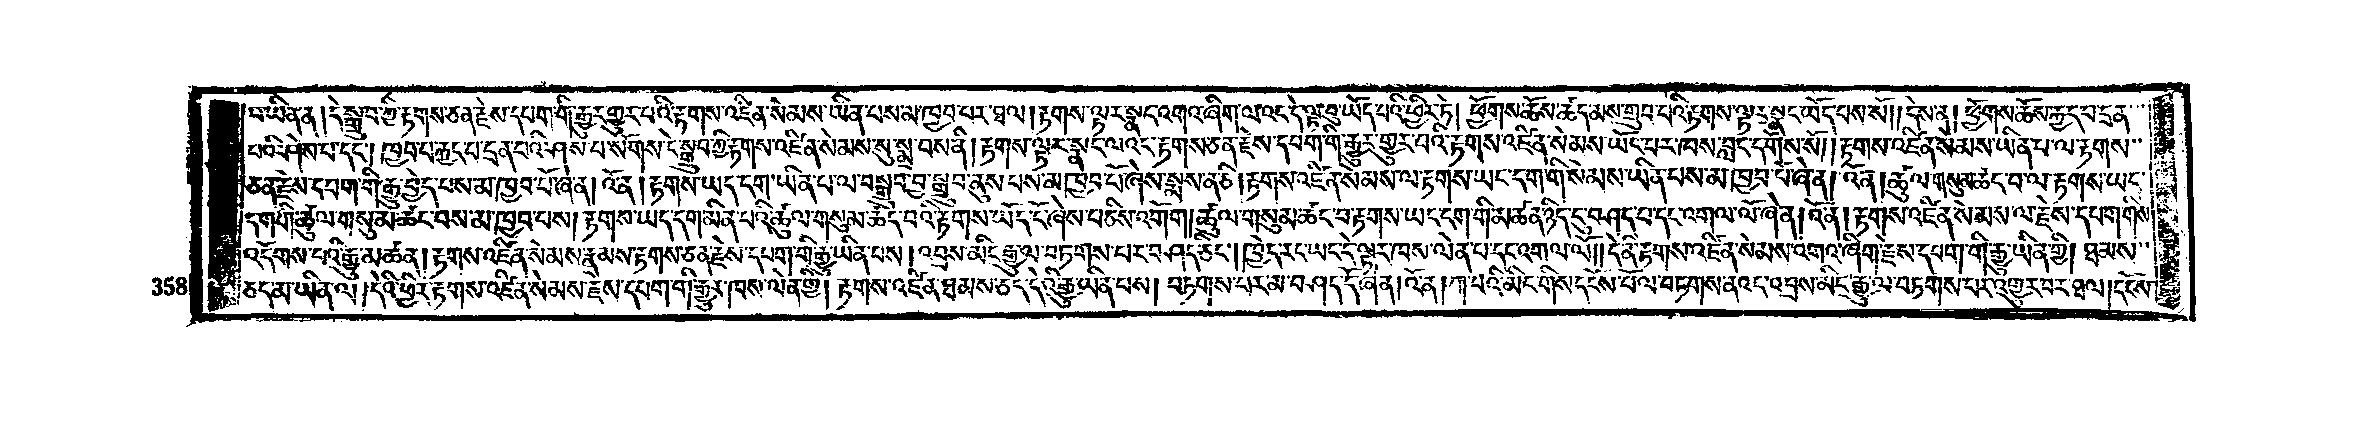པ་ཡིན་ན། དེ་སྒྲུབ་ཀྱི་རྟགས་ཅན་རྗེས་དཔག་གི་རྒྱུར་གྱུར་པའི་རྟགས་འཛིན་སེམས་ཡིན་པས་མ་ཁྱབ་པར་ཐལ། རྟགས་ལྟར་སྣང་འགའ་ཞིག་ལའང་དེ་ལྟ་བུ་ཡོད་པའི་ཕྱིར་ཏེ། ཕྱོགས་ཆོས་ཚད་མས་གྲུབ་པའི་རྟགས་ལྟར་སྣང་ཡོད་པས་སོ། །དེས་ན། ཕྱོགས་ཆོས་རྐྱང་པ་དྲན་
པའི་ཤེས་པ་དང་། ཁྱབ་པ་རྐྱང་པ་དྲན་པའི་ཤེས་པ་སོགས་དེ་སྒྲུབ་ཀྱི་རྟགས་འཛིན་སེམས་སུ་སྨྲ་བས་ནི། རྟགས་ལྟར་སྣང་ལའང་རྟགས་ཅན་རྗེས་དཔག་གི་རྒྱུར་གྱུར་པའི་རྟགས་འཛིན་སེམས་ཡོད་པར་ཁས་བླང་དགོས་སོ། །རྟགས་འཛིན་སེམས་ཡིན་པ་ལ་རྟགས་
ཅན་རྗེས་དཔག་གི་རྒྱུ་བྱེད་པས་མ་ཁྱབ་པོ་ཞེ་ན། འོ་ན། རྟགས་ཡང་དག་ཡིན་པ་ལ་བསྒྲུབ་བྱ་སྒྲུབ་ནུས་པས་མ་ཁྱབ་པོ་ཞེས་སྨྲས་ན་ཅི། རྟགས་འཛིན་སེམས་ལ་རྟགས་ཡང་དག་གི་སེམས་ཡིན་པས་མ་ཁྱབ་པོ་ཞེ་ན། འོ་ན། ཚུལ་གསུམ་ཚང་བ་ལ་རྟགས་ཡང་
དག་གི་ཚུལ་གསུམ་ཚང་བས་མ་ཁྱབ་པས། རྟགས་ཡང་དག་མིན་པའི་ཚུལ་གསུམ་ཚང་བའི་རྟགས་ཡོད་དོ་ཞེས་བཅིས་འགོག །ཚུལ་གསུམ་ཚང་བ་རྟགས་ཡང་དག་གི་མཚན་ཉིད་དུ་བཤད་པ་དང་འགལ་ལོ་ཞེ་ན། འོ་ན། རྟགས་འཛིན་སེམས་ལ་རྗེས་དཔག་གིས་
འདོགས་པའི་རྒྱུ་མཚན། རྟགས་འཛིན་སེམས་རྣམས་རྟགས་ཅན་རྗེས་དཔག་གི་རྒྱུ་ཡིན་པས། འབྲས་མིང་རྒྱུ་ལ་བཏགས་པར་བཤད་ཅིང་། ཁྱེད་རང་ཡང་དེ་ལྟར་ཁས་ལེན་པ་དང་འགལ་ལོ། །དེ་ནི་རྟགས་འཛིན་སེམས་འགའ་ཞིག་རྗེས་དཔག་གི་རྒྱུ་ཡིན་གྱི། ཐམས་
ཅད་མ་ཡིན་ལ། དེའི་ཕྱིར་རྟགས་འཛིན་སེམས་རྗེས་དཔག་གི་རྒྱུར་ཁས་ལེན་གྱི། རྟགས་འཛིན་ཐམས་ཅད་དེའི་རྒྱུ་ཡིན་པས། བཏགས་པར་མ་བཤད་དོ་ཞེ་ན། འོ་ན། ཀ་པའི་མིང་གིས་དངོས་པོ་ལ་བཏགས་ནའང་འབྲས་མིང་རྒྱུ་ལ་བཏགས་པར་འགྱུར་བར་ཐལ། དངོས་